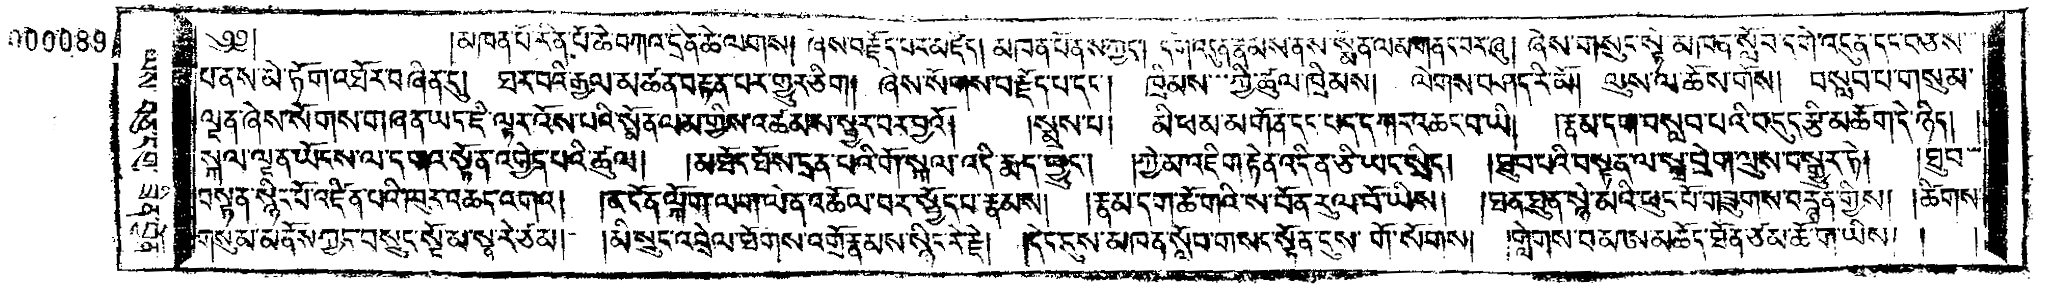༄༅། །མཁན་པོ་རིན་པོ་ཆེ་བཀའ་དྲིན་ཆེ་ལགས། ཞེས་བརྗོད་པར་མཛོད། མཁན་པོ་ནས་ཀྱང་། དགེ་འདུན་རྣམས་ནས་སྨོན་ལམ་གནང་བར་ཞུ། ཞེས་གསུང་སྟེ་མཁན་སློབ་དགེ་འདུན་དང་བཅས་
པ་ནས་མེ་ཏོག་འཐོར་བཞིན་དུ། ཐར་པའི་རྒྱལ་མཚན་བརྟན་པར་གྱུར་ཅིག །ཞེས་སོགས་བརྗོད་པ་དང་། ཁྲིམས་ཀྱི་ཚུལ་ཁྲིམས། ལེགས་བཤད་རི་མོ། ལུས་ལ་ཆོས་གོས། བསླབ་པ་གསུམ་
ལྡན་ཞེས་སོགས་གཞན་ཡང་ཇི་ལྟར་འོས་པའི་སྨོན་ལམ་གྱིས་འཚམས་སྦྱར་བར་བྱའོ། །སྨྲས་པ། མི་ཕམ་མགོན་དང་པད་དཀར་འཆང་བ་ཡི། །རྣམ་དག་བསླབ་པའི་བདུད་རྩི་མཆོག་དེ་ཉིད། །
སྐལ་ལྡན་ཡོངས་ལ་དགའ་སྟོན་འགྱེད་པའི་ཚུལ། །མཐོང་ཐོས་དྲན་པའི་གོ་སྐལ་འདི་རྨད་བྱུང་། །ཀྱེ་མ་འཇིག་རྟེན་འདི་ན་ཅི་ཡང་སྲིད། །ཐུབ་པའི་བསྟན་ལ་སྐྲ་བྲེག་ལུས་བསྒྱུར་ཏེ། །ཐུབ་
བསྟན་སྙིང་པོ་འཛིན་པའི་ཁུར་འཆད་འགའ། །མངོན་ལྐོག་ལག་ལེན་འཆོལ་བར་སྤྱོད་པ་རྣམས། །རྣམ་དག་ཆོ་གའི་ས་བོན་རུལ་བོ་ཡིས། །ཐན་ཐུན་སྙེ་མའི་ཕུང་པོ་གཟུགས་བརྙན་གྱིས། །ཚིགས་
གསུམ་མནོས་ཀྱང་བསྲུང་སྡོམ་སྣ་རེ་ཙམ། །མི་སྲུང་འབྲེལ་ཐོགས་འགྲོ་རྣམས་སྙིང་རེ་རྗེ། །དེང་དུས་མཁན་སློབ་གསང་སྟོན་དུས་གོ་སོགས། །གླེགས་བམ་ཨ་མཆོད་ཐོན་ཙམ་ཆོ་ག་ཡིས། །